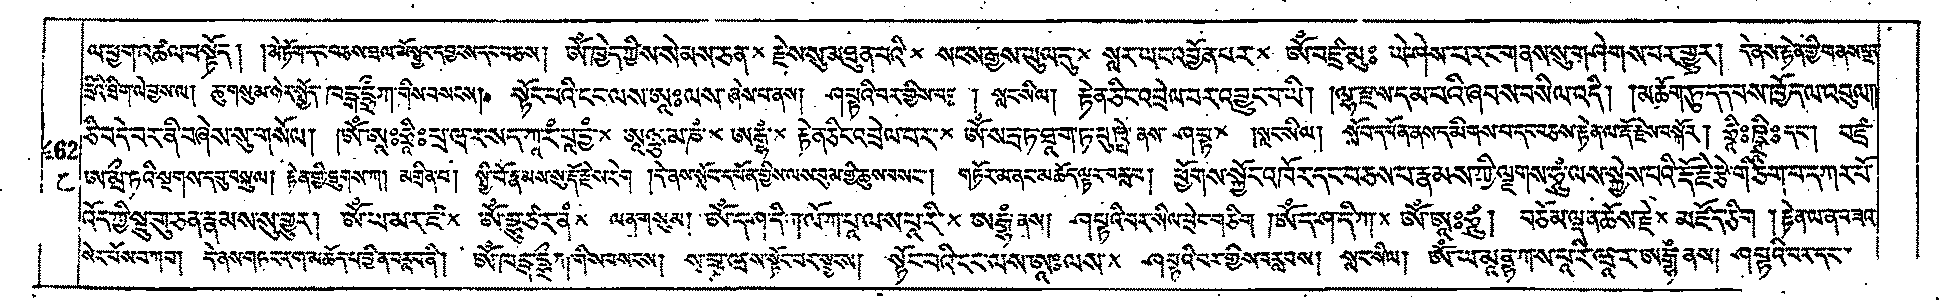ལ་ཕྱག་འཚལ་བསྟོད། །མེ་ཏོག་དང་བཅས་ཐལ་མོ་སྦྱར་དབྱངས་དང་བཅས།  ཨོཾ་ཁྱེད་ཀྱིས་སེམས་ཅན་྾་རྗེས་སུ་མཐུན་པའི་྾་སངས་རྒྱས་ཡུལ་དུ་྾་སླར་ཡང་འབྱོན་པར་྾་ཨོཾ་བཛྲ་མུཿ ཡེ་ཤེས་པ་རང་གནས་སུ་གཤེགས་པར་གྱུར། དེ་ནས་རྟེན་གྱི་གནས་ལྔར་
དྲིའི་ཐིག་ལེ་བྱས་ལ། ཆུ་གསུམ་ཉེར་སྤྱོད་ཁངྒ་དྷྲྀ་ཀ་གིས་བསངས། སྟོང་པའི་ངང་ལས་ཨཱཿ ལས་ཞེས་པ་ནས། ཤཔྟའི་བར་གྱིས་བརླབ། སླང་སིལ།  རྟེན་ཅིང་འབྲེལ་བར་འབྱུང་བ་ཡི། །ལྷ་རྫས་དམ་པའི་ཞབས་བསིལ་འདི། །མཆོག་ཏུ་དད་པས་ཁྱོད་ལ་འབུལ།།
ཅི་བདེ་བར་ནི་བཞེས་སུ་གསོལ། །ཨོཾ་ཨཱཿ ཧྲཱིཿཔྲ་ཝ་ར་སད་ཀཱ་རཾ་པཱ་དྱཾ་྾་ཨཱཉྩ་མ་ཎཾ་྾་ཨརྒྷཾ་྾་རྟེན་ཅིང་འབྲེལ་བར་྾་ཨོཾ་སརྦ་ཏ་ཐཱ་ག་ཏ་པུཥྤེ་ནས་ཤཔྟ་྾་།སླང་སིལ། སློབ་དཔོན་ནས་དམིགས་པ་དང་བཅས་རྟེན་ལ་རྡོ་རྗེས་བསྐོར། ཧྲཱིཿཥྚྲཱིཿདང་།  བཛྲ་
ཨ་མྲྀ་ཏའི་སྔགས་དབུ་བསྐུལ། རྟེན་གྱི་ཐུགས་ཀ། མགྲིན་པ། སྤྱི་བོ་རྣམས་སུ་རྡོ་རྗེས་རེག །དེ་ནས་སློབ་དཔོན་གྱིས་ལས་བུམ་གྱི་ཆུས་བསང་། གཏོར་མ་ནང་མཆོད་ལྟར་བརླབ།  ཕྱོགས་སྐྱོང་འཁོར་དང་བཅས་པ་རྣམས་ཀྱི་ལྗགས་ཧཱུཾ་ལས་སྐྱེས་པའི་རྡོ་རྗེ་རྩེ་གཅིག་པ་དཀར་པོ་
འོད་ཀྱི་སྦུ་གུ་ཅན་རྣམས་སུ་གྱུར། ཨོཾ་ཡ་མ་ར་ཛ་྾་ཨོཾ་བྷུ་ཙ་ར་ནཾ་྾་ལན་གསུམ།  ཨོཾ་ད་ཤ་དི་ཀ་ལོ་ཀ་པཱ་ལ་ས་པཱ་རི་྾་ཨརྒྷཾ་ནས།  ཤཔྟའི་བར་སིལ་ཕྲེང་གཅིག་།ཨོཾ་ད་ཤ་དིཀ་྾་ཨོཾ་ཨཱཿཧཱུཾ། བཅོམ་ལྡན་ཆོས་རྗེ་྾་མཛོད་ཅིག །རྟེན་ལ་ན་བཟའ་
སེར་པོས་བཀབ། དེ་ནས་གཏང་རག་མཆོད་པ་བྱིན་བརླབ་ནི། ཨོཾ་ཁངྒ་དྷྲྀ་ཀ་གིས་བསངས།  སྭ་བྷཱ་ཝས་སྟོང་པར་སྦྱངས།  སྟོང་པའི་ངང་ལས་ཨཱཿལས་྾་ཤཔྟའི་བར་གྱིས་བརླབས། སླང་སིལ།  ཨོཾ་ཡ་མཱནྟ་ཀ་ས་པཱ་རི་ཝཱ་ར་ཨརྒྷཾ་ནས། ཤཔྟའི་བར་དང་